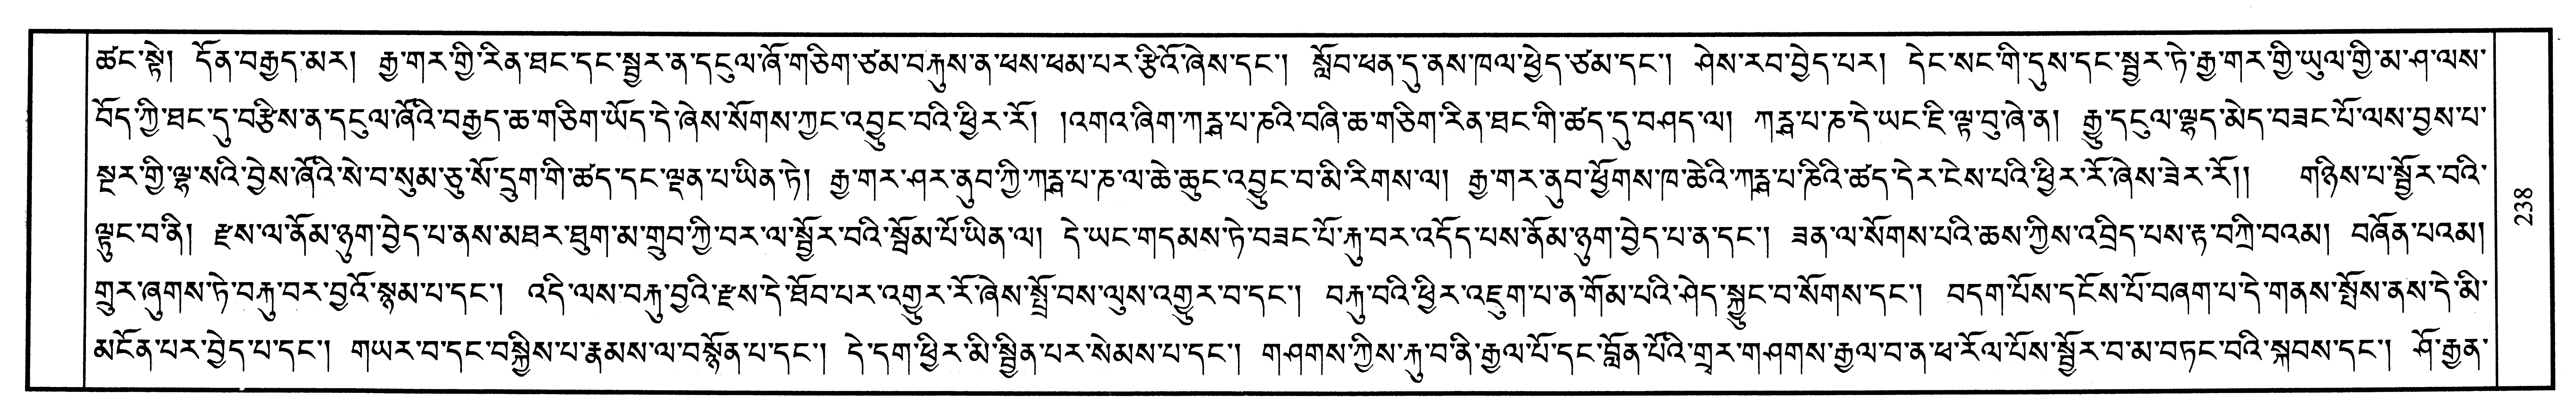ཚང་སྟེ། དོན་བརྒྱད་མར། རྒྱ་གར་གྱི་རིན་ཐང་དང་སྦྱར་ན་དངུལ་ཞོ་གཅིག་ཙམ་བརྐུས་ན་ཕས་ཕམ་པར་རྩིའོ་ཞེས་དང་། སློབ་ཕན་དུ་ནས་ཁལ་ཕྱེད་ཙམ་དང་། ཤེས་རབ་བྱེད་པར། དེང་སང་གི་དུས་དང་སྦྱར་ཏེ་རྒྱ་གར་གྱི་ཡུལ་གྱི་མ་ཤ་ལས་
བོད་ཀྱི་ཐང་དུ་བརྩིས་ན་དངུལ་ཞོའི་བརྒྱད་ཆ་གཅིག་ཡོད་དེ་ཞེས་སོགས་ཀྱང་འབྱུང་བའི་ཕྱིར་རོ། །འགའ་ཞིག་ཀརྴ་པ་ཎའི་བཞི་ཆ་གཅིག་རིན་ཐང་གི་ཚད་དུ་བཤད་ལ། ཀརྴ་པ་ཎ་དེ་ཡང་ཇི་ལྟ་བུ་ཞེ་ན། རྒྱུ་དངུལ་ལྷད་མེད་བཟང་པོ་ལས་བྱས་པ་
སྔར་གྱི་ལྷ་སའི་བྱེས་ཞོའི་སེ་བ་སུམ་ཅུ་སོ་དྲུག་གི་ཚད་དང་ལྡན་པ་ཡིན་ཏེ། རྒྱ་གར་ཤར་ནུབ་ཀྱི་ཀརྴ་པ་ཎ་ལ་ཆེ་ཆུང་འབྱུང་བ་མི་རིགས་ལ། རྒྱ་གར་ནུབ་ཕྱོགས་ཁ་ཆེའི་ཀརྴ་པ་ཎིའི་ཚད་དེར་ངེས་པའི་ཕྱིར་རོ་ཞེས་ཟེར་རོ།། གཉིས་པ་སྦྱོར་བའི་
ལྟུང་བ་ནི། རྫས་ལ་ནོམ་ཉུག་བྱེད་པ་ནས་མཐར་ཐུག་མ་གྲུབ་ཀྱི་བར་ལ་སྦྱོར་བའི་སྦོམ་པོ་ཡིན་ལ། དེ་ཡང་གདམས་ཏེ་བཟང་པོ་རྐུ་བར་འདོད་པས་ནོམ་ཉུག་བྱེད་པ་ན་དང་། ཟན་ལ་སོགས་པའི་ཆས་ཀྱིས་འབྲིད་པས་རྟ་བཀྲི་བའམ། བཞོན་པའམ།
གྲུར་ཞུགས་ཏེ་བརྐུ་བར་བྱའོ་སྙམ་པ་དང་། འདི་ལས་བརྐུ་བྱའི་རྫས་དེ་ཐོབ་པར་འགྱུར་རོ་ཞེས་སྤྲོ་བས་ལུས་འགྱུར་བ་དང་། བརྐུ་བའི་ཕྱིར་འཇུག་པ་ན་གོམ་པའི་ཤེད་སྐྱུང་བ་སོགས་དང་། བདག་པོས་དངོས་པོ་བཞག་པ་དེ་གནས་སྤོས་ནས་དེ་མི་
མངོན་པར་བྱེད་པ་དང་། གཡར་བ་དང་བསྐྱིས་པ་རྣམས་ལ་བསྙོན་པ་དང་། དེ་དག་ཕྱིར་མི་སྦྱིན་པར་སེམས་པ་དང་། གཤགས་ཀྱིས་རྐུ་བ་ནི་རྒྱལ་པོ་དང་བློན་པོའི་གྲྭར་གཤགས་རྒྱལ་བ་ན་ཕ་རོལ་པོས་སྦྱོར་བ་མ་བཏང་བའི་སྐབས་དང་། ཤོ་རྒྱན་